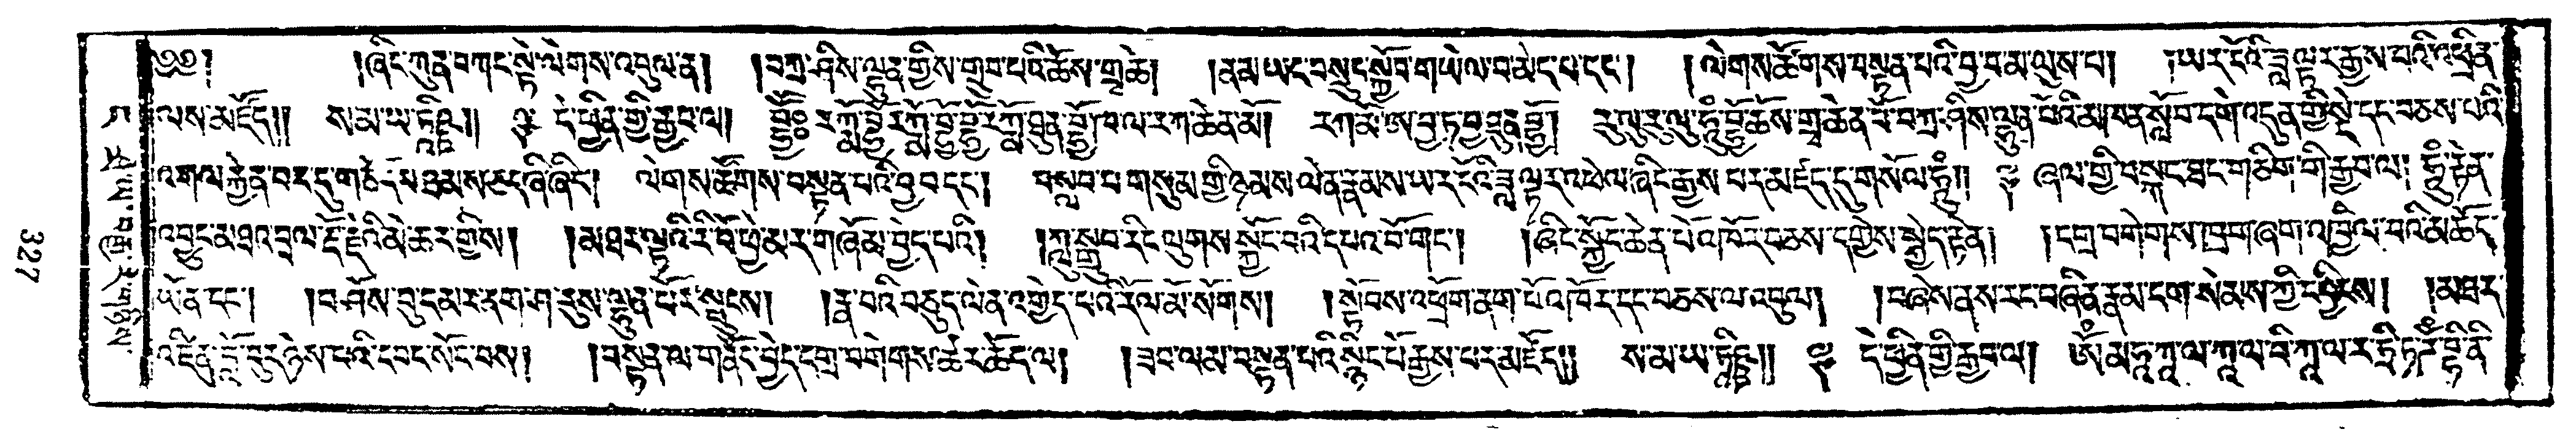༄༅། །ཞིང་ཀུན་བཀང་སྟེ་ལེགས་འབུལ་ན། །བཀྲ་ཤིས་ལྷུན་གྱིས་གྲུབ་པའི་ཆོས་གྲྭ་ཆེ། །ནམ་ཡང་བསྲུང་སྐྱོབ་གཡེལ་བ་མེད་པ་དང་། །ལེགས་ཚོགས་བསྟན་པའི་བྱ་བ་མ་ལུས་པ། །ཡར་ངོའི་ཟླ་ལྟར་རྒྱས་པའི་འཕྲིན་
ལས་མཛོད། །ས་མ་ཡ་ཏཱིཥཊཿཨ། ༈ དེ་ཕྱིན་གྱི་རྒྱ་བ་ལ། བྷྱཽཿ རཀྨོ་བྷྱོ་རཀྨོ་བྷྱོ་བྷྱོ་རཀྨོ་ཐུན་བྷྱོ་ཁ་ལ་ར་ཀ་ཆེན་མོ། རཀྨོ་ཨ་བྱ་ཏ་བྱ་ཐུན་བྷྱོ། རུ་ལུ་རུ་ལུ་ཧཱུཾ་བྷྱོ་ཆོས་གྲྭ་ཆེན་པོ་བཀྲ་ཤིས་ལྷུན་པོའི་མཁན་སློབ་དགེ་འདུན་གྱི་སྡེ་དང་བཅས་པའི་
འགལ་རྐྱེན་བར་དུ་གཅོད་པ་ཐམས་ཅད་ཞི་ཞིང་། ལེགས་ཚོགས་བསྟན་པའི་བྱ་བ་དང་། བསླབ་པ་གསུམ་གྱི་ཉམས་ལེན་རྣམས་ཡར་ངོའི་ཟླ་ལྟར་འཕེལ་ཞིང་རྒྱས་པར་མཛད་དུ་གསོལ་ཧཱུཾ།། ༈ ཞལ་གྱི་བསྐང་ཐང་གཅིག་གི་རྒྱབ་ལ། ཧཱུཾ་རྟེན་
འབྱུང་མཐའ་བྲལ་རྡོ་རྗེའི་མེ་ཆར་གྱིས། །མཐར་ལྟའི་རི་བོ་ཕྱེ་མར་གཞོམ་བྱེད་པའི། །ཀླུ་སྒྲུབ་རིང་ལུགས་སྐྱོང་བའི་དཔའ་བོ་གང་། །ཞིང་སྐྱོང་ཆེན་པོ་འཁོར་བཅས་དགྱེས་སྐྱེད་རྟེན། །དགྲ་བགེགས་ཁྲག་ཞག་འཁྱིལ་བའི་མཆོད་
ཡོན་དང་། །བཤོས་བུ་དམར་ནག་ཤ་རུས་ལྷུན་པོར་སྤུངས། །རྣ་བའི་བཅུད་ལེན་འགྱེད་པའི་རོལ་མོ་སོགས། །སྟོབས་འཕྲོག་ནག་པོ་འཁོར་དང་བཅས་ལ་འབུལ། །བཞེས་ནས་རང་བཞིན་རྣམ་དག་སེམས་ཀྱི་དབྱིངས། །མཐར་
འཛིན་བློ་བུར་ཉེས་པའི་དབང་སོང་བས། །བསྟན་ལ་གནོད་བྱེད་དགྲ་བགེགས་ཚར་ཆོད་ལ། །ཟབ་ལམ་བསྟན་པའི་སྙིང་པོ་རྒྱས་པར་མཛོད།། ས་མ་ཡ་ཏཱིཥཊཿཨ།། ༈ དེ་ཕྱིན་གྱི་རྒྱབ་ལ། ཨོཾ་མ་ཧཱ་ཀཱ་ལ་ཀཱ་ལ་བི་ཀཱ་ལ་ར་ཏྲི་ཏ་ཌོཾ?་བྷི་ནི་